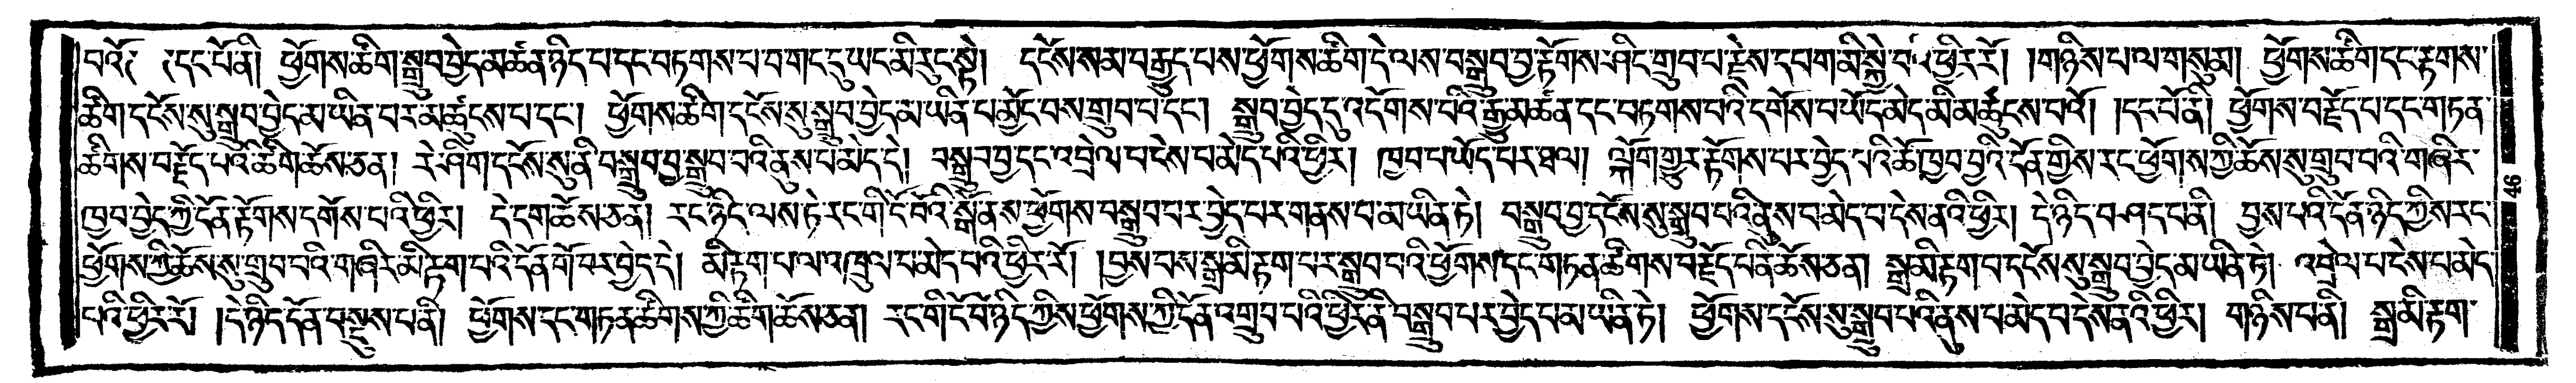བའོ༑ ༑དང་པོ་ནི། ཕྱོགས་ཚིག་སྒྲུབ་བྱེད་མཚན་ཉིད་པ་དང་བཏགས་པ་བ་གང་དུ་ཡང་མི་རུང་སྟེ། དངོས་སམ་བརྒྱུད་པས་ཕྱོགས་ཚིག་དེ་ལས་བསྒྲུབ་བྱ་རྟོགས་ཤིང་གྲུབ་པ་རྗེས་དཔག་མི་སྐྱེ་བའི་ཕྱིར་རོ། །གཉིས་པ་ལ་གསུམ། ཕྱོགས་ཚིག་དང་རྟགས་
ཚིག་དངོས་སུ་སྒྲུབ་བྱེད་མ་ཡིན་པར་མཚུངས་པ་དང་། ཕྱོགས་ཚིག་དངོས་སུ་སྒྲུབ་བྱེད་མ་ཡིན་པ་མྱོང་བས་གྲུབ་པ་དང་། སྒྲུབ་བྱེད་དུ་འདོགས་པའི་རྒྱུ་མཚན་དང་བཏགས་པའི་དགོས་པ་ཡོད་མེད་མི་མཚུངས་པའོ། །དང་པོ་ནི། ཕྱོགས་བརྗོད་པ་དང་གཏན་
ཚིགས་བརྗོད་པའི་ཚིག་ཆོས་ཅན། རེ་ཤིག་དངོས་སུ་ནི་བསྒྲུབ་བྱ་སྒྲུབ་པའི་ནུས་པ་མེད་དེ། བསྒྲུབ་བྱ་དང་འབྲེལ་པ་ངེས་པ་མེད་པའི་ཕྱིར། ཁྱབ་པ་ཡོད་པར་ཐལ། ལྐོག་གྱུར་རྟོགས་པར་བྱེད་པའི་ཆོ་ཁྱབ་བྱའི་དོན་གྱིས་རང་ཕྱོགས་ཀྱི་ཆོས་སུ་གྲུབ་པའི་གཞིར་
ཁྱབ་བྱེད་ཀྱི་དོན་རྟོགས་དགོས་པའི་ཕྱིར། དེ་དག་ཆོས་ཅན། རང་ཉིད་ལས་ཏེ་རང་གི་ངོ་བོའི་སྒོ་ནས་ཕྱོགས་བསྒྲུབ་བར་བྱེད་པར་གནས་བ་མ་ཡིན་ཏེ། བསྒྲུབ་བྱ་དངོས་སུ་སྒྲུབ་པའི་ནུས་བ་མེད་པ་དེས་ནའི་ཕྱིར། དེ་ཉིད་བཤད་པ་ནི། བྱས་པའི་དོན་ཉིད་ཀྱིས་རང་
ཕྱོགས་ཀྱི་ཆོས་སུ་གྲུབ་པའི་གཞིར་མི་རྟག་པའི་དོན་གོ་བར་བྱེད་དེ། མི་རྟག་པ་ལ་འཁྲུལ་པ་མེད་པའི་ཕྱིར་རོ། །བྱས་བས་སྒྲ་མི་རྟག་པར་སྒྲུབ་པའི་ཕྱོགས་དང་གཏན་ཚིགས་བརྗོད་པ་ནི་ཆོས་ཅན། སྒྲ་མི་རྟག་བ་དངོས་སུ་སྒྲུབ་བྱེད་མ་ཡིན་ཏེ། འབྲེལ་བ་ངེས་པ་མེད་
པའི་ཕྱིར་རོ། །དེ་ཉིད་དོན་བསྡུས་པ་ནི། ཕྱོགས་དང་གཏན་ཚིགས་ཀྱི་ཚིགས་ཆོས་ཅན། རང་གི་ངོ་བོ་ཉིད་ཀྱིས་ཕྱོགས་ཀྱི་དོན་འགྲུབ་པའི་ཕྱིར་ནི་བསྒྲུབ་པར་བྱེད་པ་མ་ཡིན་ཏེ། ཕྱོགས་དངོས་སུ་སྒྲུབ་པའི་ནུས་པ་མེད་པ་དེས་ནའི་ཕྱིར། གཉིས་པ་ཉི། སྒྲ་མི་རྟག་